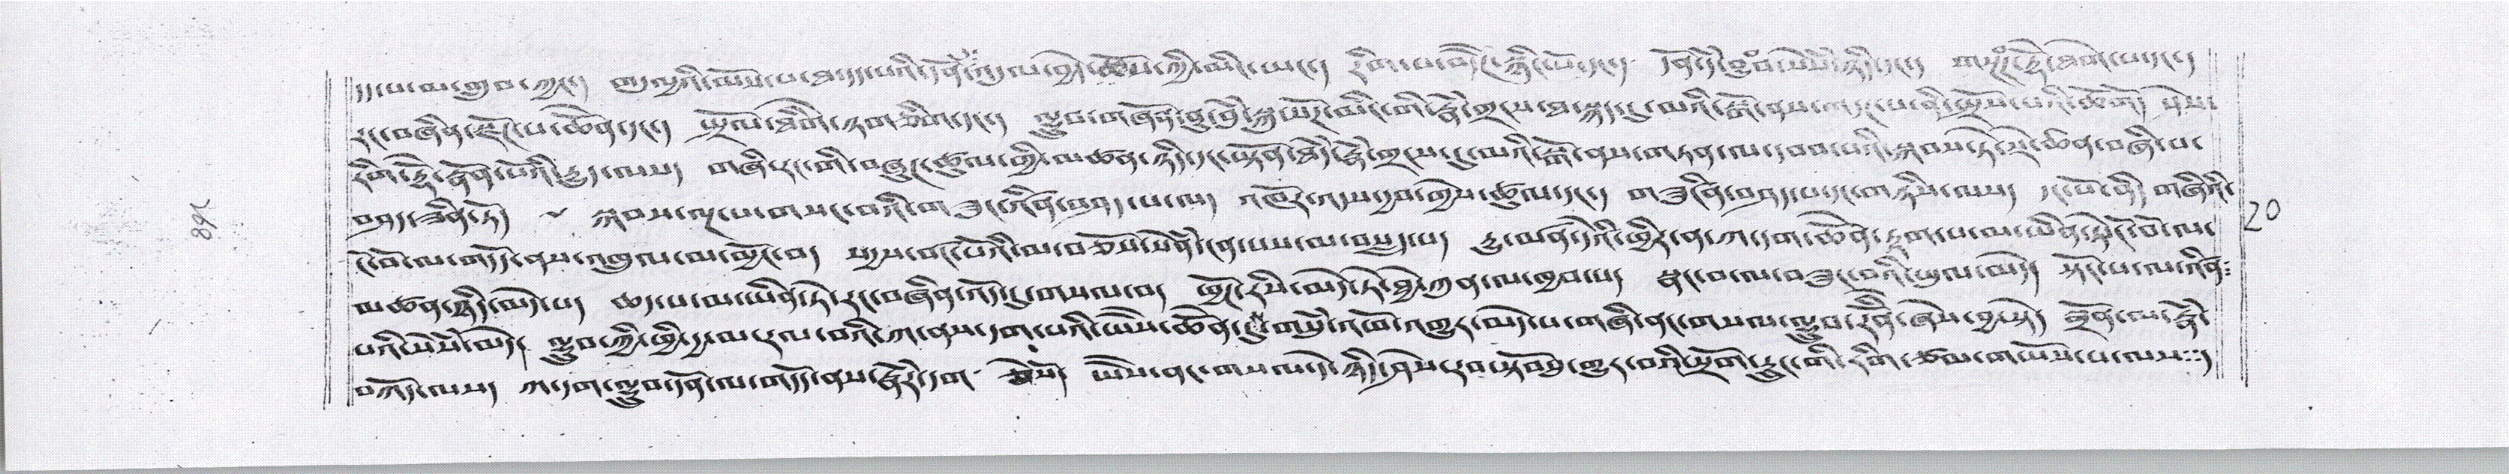དད་པ་མ་གྲུབ་ཀྱང། གདུལ་བྱའི་མོས་པ་ཐ་དད་པའི་དོན་དུ་འདུལ་བྱེད་ཆོས་ཀྱི་མིང་ཡང། རིག་པ་བདེ་གཤེགས་སྙིང་པོ་དང། དོན་དམ་བྱང་ཆུབ་སེམས་ཉིད་དང། གསང་སྔགས་རྡོ་རྗེ་ཐེག་པ་དང། 
རང་བཞིན་རྫོགས་པ་ཆེན་པོ་དང། སྤྲོས་བྲལ་ཐིག་ལེ་ཉག་གཅིག་དང། ལྷུན་གྲུབ་གཞོན་ནུ་བུམ་སྐུ་སོགས་མིང་གི་རྣམ་གྲངས་ཐ་སྙད་དུ་མའི་སྒོ་ནས་གདགས་པ་ནི་སྤྲོས་པའི་ཆོག་གོ། ཤེས་
རིག་རྡོ་རྗེ་རྣོན་པོའི་རྒྱུད་ལས། གཞི་རང་གི་བཞུགས་ཚུལ་གྱི་མཚན་ཉིད་དང་ཡོན་ཏན་ཐམས་ཅད་རྣམ་གྲངས་དུ་མའི་སྒོ་ནས་གཏན་ལ་དབབ་པའི་སྐབས་ཏེ་སྡེ་ཚན་བཞི་པ་
བཤད་ཟིན་ཏོ། ༧ སྐབས་ལྔ་པ་གསང་བའི་གཟུང་འཛིན་བཤད་པ་ལ། འཁོར་འདས་རྒྱབ་གྱེས་ཚུལ་དང། གཟུང་འཛིན་བཤད་པ་དང་གཉིས་ལས། དང་པོ་ནི། གཞིའི་
ངོ་བོ་ལ་གདོད་ནས་འཁྲུལ་མ་མྱོང་བ། སངས་རྒྱས་བཟང་པོའི་མ་བཅོས་སེམས་ཅན་ངན་པས་མ་བསླད་པ། རྒྱུ་མཚན་དེའི་ཕྱིར་ན་ཀ་དག་ཆེན་པོ་རྟག་པ་མ་ཡིན་ཏེ་ངོ་བོ་ལ་
མཚན་ཉིད་མེད་པ། ཆད་པ་མ་ཡིན་ཏེ་རང་བཞིན་འོད་དུ་གསལ་བ། ཕྱོགས་རིས་མེད་ཏེ་ཐུགས་རྗེ་ཀུན་ལ་ཁྱབ་པ། སྣང་བ་ལ་བཟུང་བའི་ཡུལ་མེད། སྟོང་པ་ལ་འཛིན་
པའི་སེམས་མེད། ལྷུན་གྲུབ་ཀྱི་ཕྱི་རྒྱ་མ་རལ་བའི་ཀ་ནས་དག་པའི་ཡེ་ཤེས་ཆེན་པོ་དུས་གསུམ་འཕོ་འགྱུར་མེད་པ་གཞི་ནང་གསལ་ལྷུན་གྲུབ་རིན་པོ་ཆེ་ཞེས་བྱ་སྟེ། སྒྲོན་ལ་རྣམ་
བཀོད་ལས། ཀ་དག་ལྷུན་གྲུབ་དོན་ལ་གདོད་ནས་རྣམ་པར་དག་ཅེས་སོ། ཡེ་ཤེས་ནང་གསལ་དེ་ཉིད་ཤེས་རབ་སྟོབས་སུ་གྱུར་བའི་སྲོག་རླུང་གི་རིག་ཙམ་གཡོས་པ་ལས།